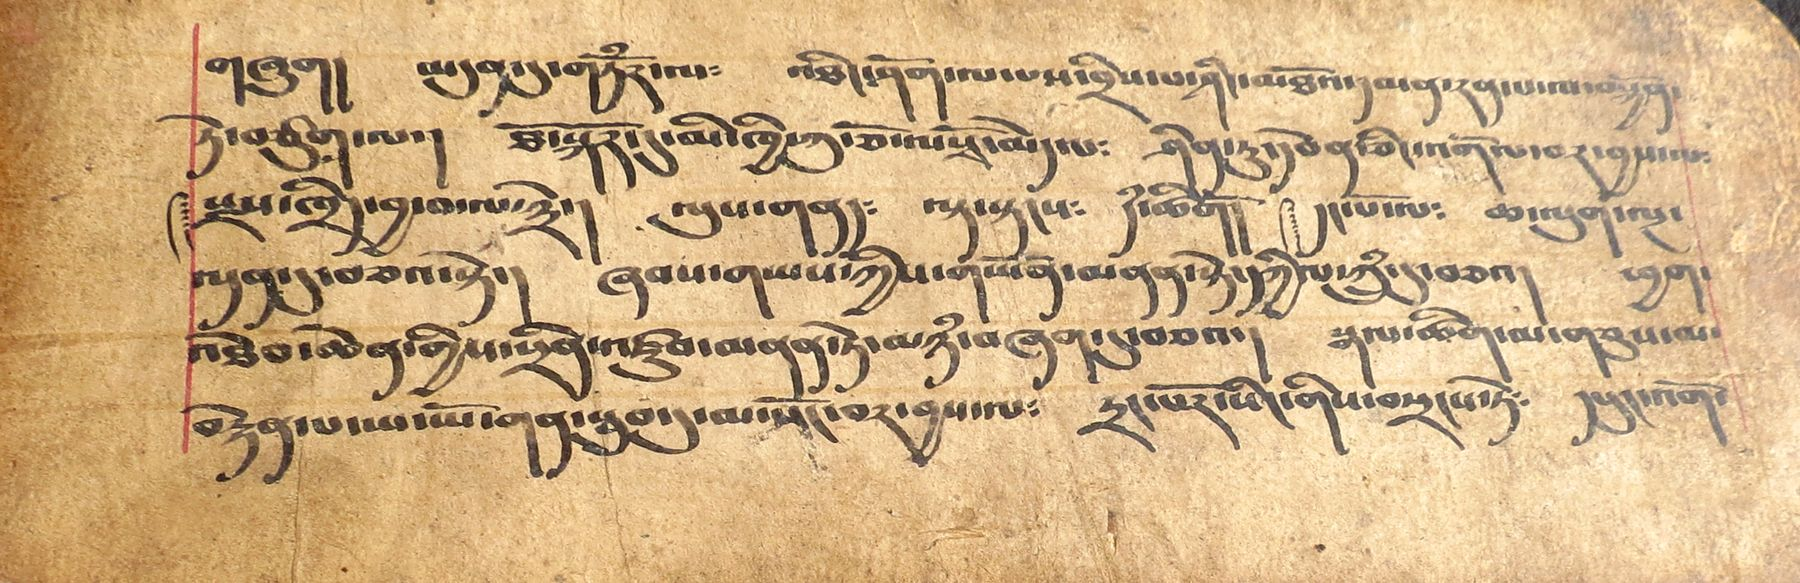བཞུགས། མདུན་དུ་གཏོར་མ་ལ་མཐིང་ཤོག་ལ། ཨ་བྲིས་པ་ཤིང་མཐོ་དམན་རན་པ་ལ་བསྐྱོན་
ཏེ་བཙུག་ལ། ཐོ་སྐོར་དུ་མི་ཁྱིའི་ཀུ་ཅོ་ལ་སོགས་མེད་པར་ཤིན་ཏུ་དབེན་ཅིང་འགོལ་བར་བྱ་ལ། 
རྫས་ཁྲིད་བྱ་བ་ལ་གསུམ་སྟེ། ལུས་གནད་དང་། ལྟ་སྟངས་དང་། དམ་ཚིག་གོ། དང་པོ་ལ་ཆ་ལུགས་ལྔ་
ལྡན་དུ་བཅའ་སྟེ། ཞབས་གཡས་པས་གཡོན་མནན་སྟེ། སྐྱིལ་ཀྲུང་དུ་བཅའ། ཕྱག་
མཐེབ་ཆེན་གྱིས་སྲིན་མཛུབ་མནན་ཏེ། མཉམ་བཞག་ཏུ་བཅའ། སྒལ་ཚིག་མ་འཆུན་པ་མ་
རྟེན་པ། ཡ་ཡོ་གན་བུབ་དུ་མ་སོང་པར་བྱས་ལ། དྲང་པོར་སིང་གིས་བསྲང་སྟེ། དཔུང་མགོ་